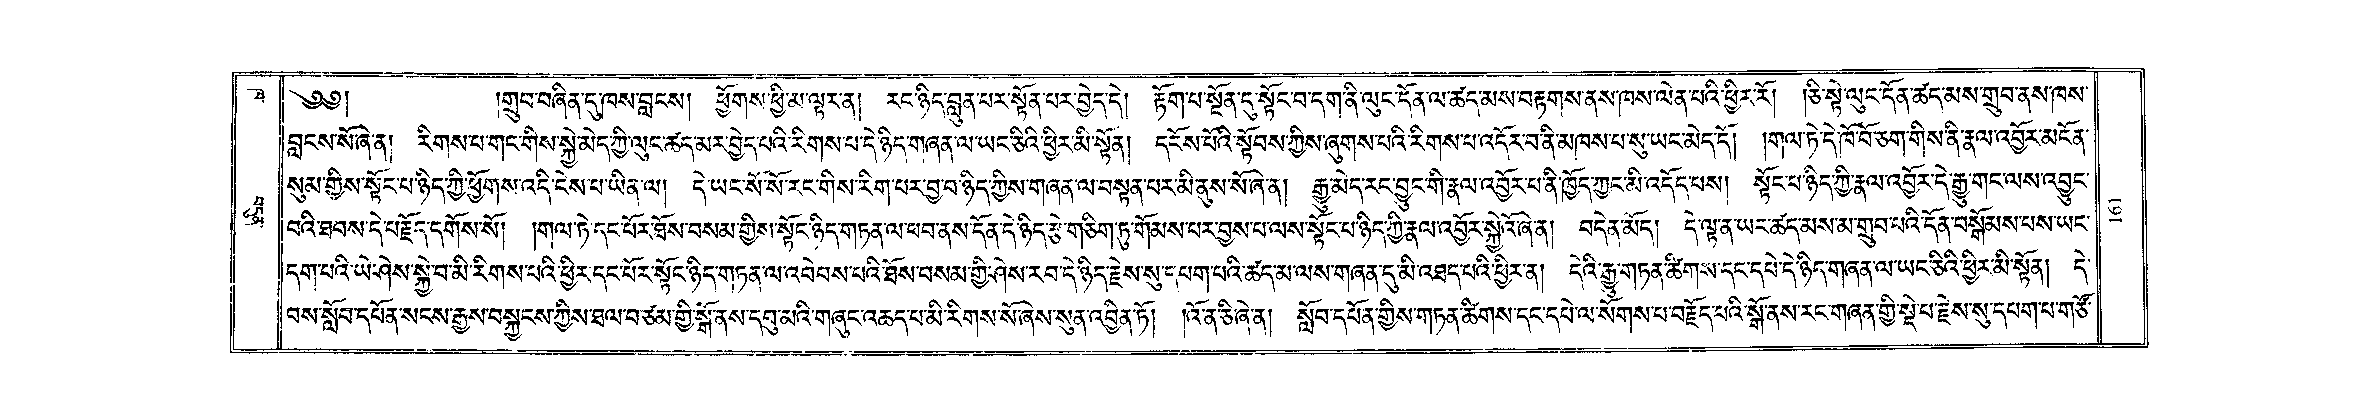༄༅། །གྲུབ་བཞིན་དུ་ཁས་བླངས། ཕྱོགས་ཕྱི་མ་ལྟར་ན། རང་ཉིད་བླུན་པར་སྟོན་པར་བྱེད་དེ། རྟོག་པ་སྔོན་དུ་སྟོང་བ་དག་ནི་ལུང་དོན་ལ་ཚད་མས་བརྟགས་ནས་ཁས་ལེན་པའི་ཕྱིར་རོ། །ཅི་སྟེ་ལུང་དོན་ཚད་མས་གྲུབ་ནས་ཁས་
བླངས་སོ་ཞེ་ན། རིགས་པ་གང་གིས་སྐྱེ་མེད་ཀྱི་ལུང་ཚད་མར་བྱེད་པའི་རིགས་པ་དེ་ཉིད་གཞན་ལ་ཡང་ཅིའི་ཕྱིར་མི་སྟོན། དངོས་པོའི་སྟོབས་ཀྱིས་ཞུགས་པའི་རིགས་པ་འདོར་བ་ནི་མཁས་པ་སུ་ཡང་མེད་དོ། །གལ་ཏེ་དེ་ཁོ་བོ་ཅག་གིས་ནི་རྣལ་འབྱོར་མངོན་
སུམ་གྱིས་སྟོང་པ་ཉིད་ཀྱི་ཕྱོགས་འདི་ངེས་པ་ཡིན་ལ། དེ་ཡང་སོ་སོར་རང་གིས་རིག་པར་བྱ་བ་ཉིད་ཀྱིས་གཞན་ལ་བསྟན་པར་མི་ནུས་སོ་ཞེ་ན། རྒྱུ་མེད་རང་བྱུང་གི་རྣལ་འབྱོར་པ་ནི་ཁྱོད་ཀྱང་མི་འདོད་པས། སྟོང་པ་ཉིད་ཀྱི་རྣལ་འབྱོར་དེ་རྒྱུ་གང་ལས་འབྱུང་
བའི་ཐབས་དེ་བརྗོད་དགོས་སོ། །གལ་ཏེ་དང་པོར་ཐོས་བསམ་གྱིས་སྟོང་ཉིད་གཏན་ལ་ཕབ་ནས་དོན་དེ་ཉིད་རྩེ་གཅིག་ཏུ་གོམས་པར་བྱས་པ་ལས་སྟོང་པ་ཉིད་ཀྱི་རྣལ་འབྱོར་སྐྱེའོ་ཞེ་ན། བདེན་མོད། དེ་ལྟ་ན་ཡང་ཚད་མས་མ་གྲུབ་པའི་དོན་བསྒོམས་པས་ཡང་
དག་པའི་ཡེ་ཤེས་སྐྱེ་བ་མི་རིགས་པའི་ཕྱིར་དང་པོར་སྟོང་ཉིད་གཏན་ལ་འབེབས་པའི་ཐོས་བསམ་གྱི་ཤེས་རབ་དེ་ཉིད་རྗེས་སུ་དཔག་པའི་ཚད་མ་ལས་གཞན་དུ་མི་འཐད་པའི་ཕྱིར་ན། དེའི་རྒྱུ་གཏན་ཚིགས་དང་དཔེ་དེ་ཉིད་གཞན་ལ་ཡང་ཅིའི་ཕྱིར་མི་སྟོན། དེ་
བས་སློབ་དཔོན་སངས་རྒྱས་བསྐྱངས་ཀྱིས་ཐལ་བ་ཙམ་གྱི་སྒོ་ནས་དབུ་མའི་གཞུང་འཆད་པ་མི་རིགས་སོ་ཞེས་སུན་འབྱིན་ཏོ། །འོ་ན་ཅི་ཞེ་ན། སློབ་དཔོན་གྱིས་གཏན་ཚིགས་དང་དཔེ་ལ་སོགས་པ་བརྗོད་པའི་སྒོ་ནས་རང་གཞན་གྱི་སྡེ་པ་རྗེས་སུ་དཔག་པ་གཙོ་